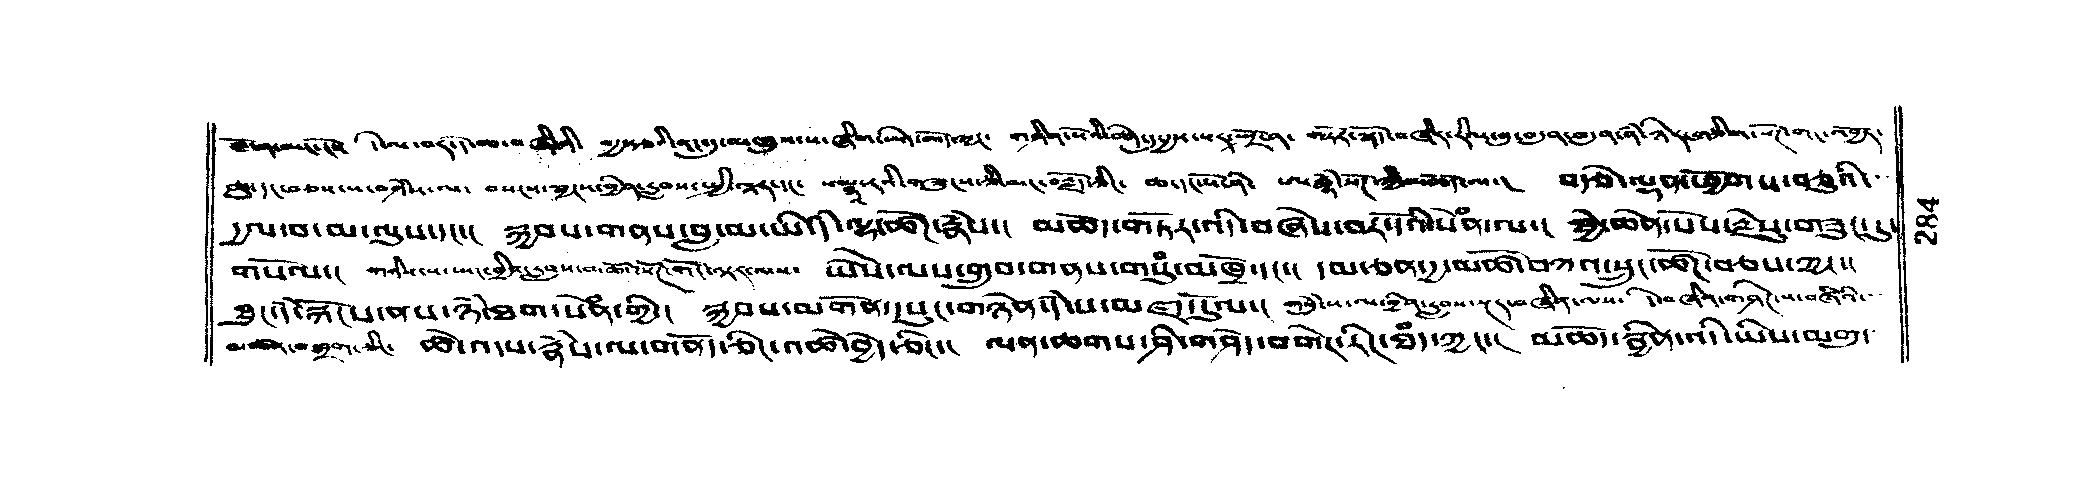ཁོ་ན་མང་ངོ་། དེ་ལ་བར་དོ་ཆ་བཞིའི་བརྒྱ་རྩའི་ནང་དུ་ཐུས་པ་ཞིག་ཡོད་མེད་ཀྱང་། གཤིན་པོའི་ཆེས་དུ་རྒྱས་པར་སྤྲོ་ན། གཏོར་སྣོད་བཞིར་རིལ་བུ་བདུན་ནམ་ཉེར་གཅིག་སོགས་གང་འབྱོར་
ཆུ་དང་བཅས་པ་བཤམས་ལ། བསངས་སྦྱང་བྱིན་རླབས་སྤྱི་ལྟར་དང་། སམྦྷ་རའི་གཟུངས་ཅི་མང་བརྗོད་ཅིང་། ཆ་དང་པོ་ནི། ཨརྒྷཾ་སོགས་ཀྱི་མཆོད་ལ། བརྩེ་ལྡན་ཕྱོགས་བཅུའི་
རྒྱལ་བ་མ་ལུས་དང་། །སྐྱབས་གནས་བླ་མ་ཡི་དམ་ལྷ་ཚོགས་རྣམས། །མཆོད་གཏོར་འདི་བཞེས་བར་དོའི་སེམས་ཅན་ལ། །ཐུགས་རྗེ་ཆེན་པོས་རྗེས་སུ་བཟུང་དུ་
གསོལ། །གཉིས་པ་བྱིན་རླབས་མཆོད་སོགས་གོང་ལྟར་ལས། ཡེ་ཤེས་ལས་གྲུབ་གནས་གསུམ་མཁའ་འགྲོ་དང་། །དམ་ཅན་རྒྱ་མཚོ་བཀའ་སྲུང་ཚོགས་བཅས་ཀྱང་། །
ཐུགས་དམ་སྐོངས་ནས་ཉམ་ཐག་སེམས་ཅན་གྱི། །སྐྱབས་མགོན་དཔུང་གཉེན་དམ་པ་་མཛད་དུ་གསོལ། ། གསུམ་པ་བྱིན་རླབས་སྔར་བཞིན་ལས། བདེ་བཞིན་གཤེགས་པ་བཞིའི་
མཚན་བསྒྲག་ཅིང་། ཚེ་འདས་རྣམས་ལ་གནོད་ཅིང་འཚོ་བྱེད་ཅིང་། །ལན་ཆགས་ཤི་གཤེད་བགེགས་རིགས་ཐམས་ཅད་ཀྱང་། །མཆོད་སྦྱིན་འདི་ཡིས་མགུ་